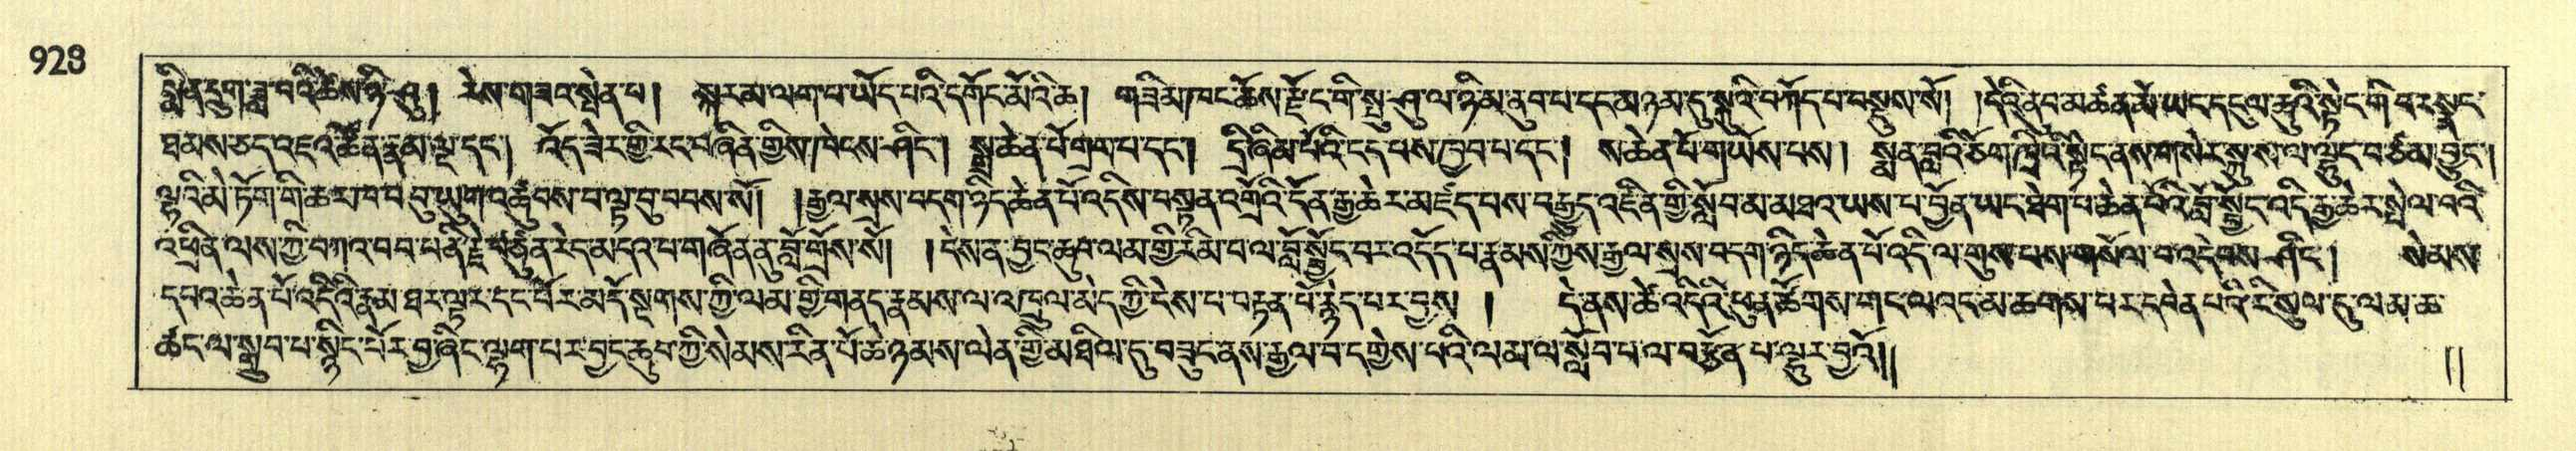སྨིན་དྲུག་ཟླ་བའི་ཚེས་ཉི་ཤུ། རེས་གཟའ་སྤེན་པ། སྐར་མ་ལག་པ་ཡོད་པའི་དགོང་མོའི་ཆ། གཟིམ་ཁང་ཆོས་རྫོང་གི་སྤུ་ཤུ་ལ་ཉི་མ་ནུབ་པ་དང་མཉམ་དུ་སྐུའི་བཀོད་པ་བསྡུས་སོ། །དེའི་ནུབ་མཚན་མོ་ཡང་དངུལ་ཆུའི་སྟེང་གི་བར་སྣང་
ཐམས་ཅད་འཇའ་ཚོན་རྣམ་ལྔ་དང་། འོད་ཟེར་གྱི་རང་བཞིན་གྱིས་ཁེངས་ཤིང་། སྒྲ་ཆེན་པོ་གྲག་པ་དང་། དྲི་ཞིམ་པོའི་ངད་པས་ཁྱབ་པ་དང་། ས་ཆེན་པོ་གཡོས་པས། སྨན་བླའི་ཅོག་ཁྲིའི་སྟེང་ནས་གསེར་སྐུ་ས་ལ་ལྷུང་བ་ཙམ་བྱུང་།
ལྷའི་མེ་ཏོག་གི་ཆར་ཁ་བ་བུ་ཡུག་འཚུབས་པ་ལྟ་བུ་བབས་སོ། །རྒྱལ་སྲས་བདག་ཉིད་ཆེན་པོ་འདིས་བསྟན་འགྲོའི་དོན་རྒྱ་ཆེར་མཛད་པས་བརྒྱུད་འཛིན་གྱི་སློབ་མ་མཐའ་ཡས་པ་བྱོན་ཡང་ཐེག་པ་ཆེན་པོའི་བློ་སྦྱོང་འདི་རྒྱ་ཆེར་སྤེལ་བའི་
འཕྲིན་ལས་ཀྱི་བཀའ་བབ་པ་ནི་རྗེ་བཙུན་རེད་མདའ་པ་གཞོན་ནུ་བློ་གྲོས་སོ། །དེས་ན་བྱང་ཆུབ་ལམ་གྱི་རིམ་པ་ལ་བློ་སྦྱོང་བར་འདོད་པ་རྣམས་ཀྱིས་རྒྱལ་སྲས་བདག་ཉིད་ཆེན་པོ་འདི་ལ་གུས་པས་གསོལ་བ་འདེབས་ཤིང་། སེམས་
དཔའ་ཆེན་པོ་འདིའི་རྣམ་ཐར་ལྟར་དང་པོར་མདོ་སྔགས་ཀྱི་ལམ་གྱི་གནད་རྣམས་ལ་འཁྲུལ་མེད་ཀྱི་ངེས་པ་བརྟན་པོ་རྙེད་པར་བྱས། དེ་ནས་ཚེ་འདིའི་ཕུན་ཚོགས་གང་ལའང་མ་ཆགས་པར་དབེན་པའི་རི་སུལ་དུ་ལམ་ཆ་
ཚང་ལ་སྒྲུབ་པ་སྙིང་པོར་བྱ་ཞིང་ལྷག་པར་བྱང་ཆུབ་ཀྱི་ཧྶེམས་རིན་པོ་ཆེ་ཉམས་ལེན་གྱི་མཐིལ་དུ་བཟུང་ནས་རྒྱལ་བ་དགྱེས་པའི་ལམ་ལ་སློབ་པ་ལ་བརྩོན་པ་ལྷུར་བྱའོ།། །།